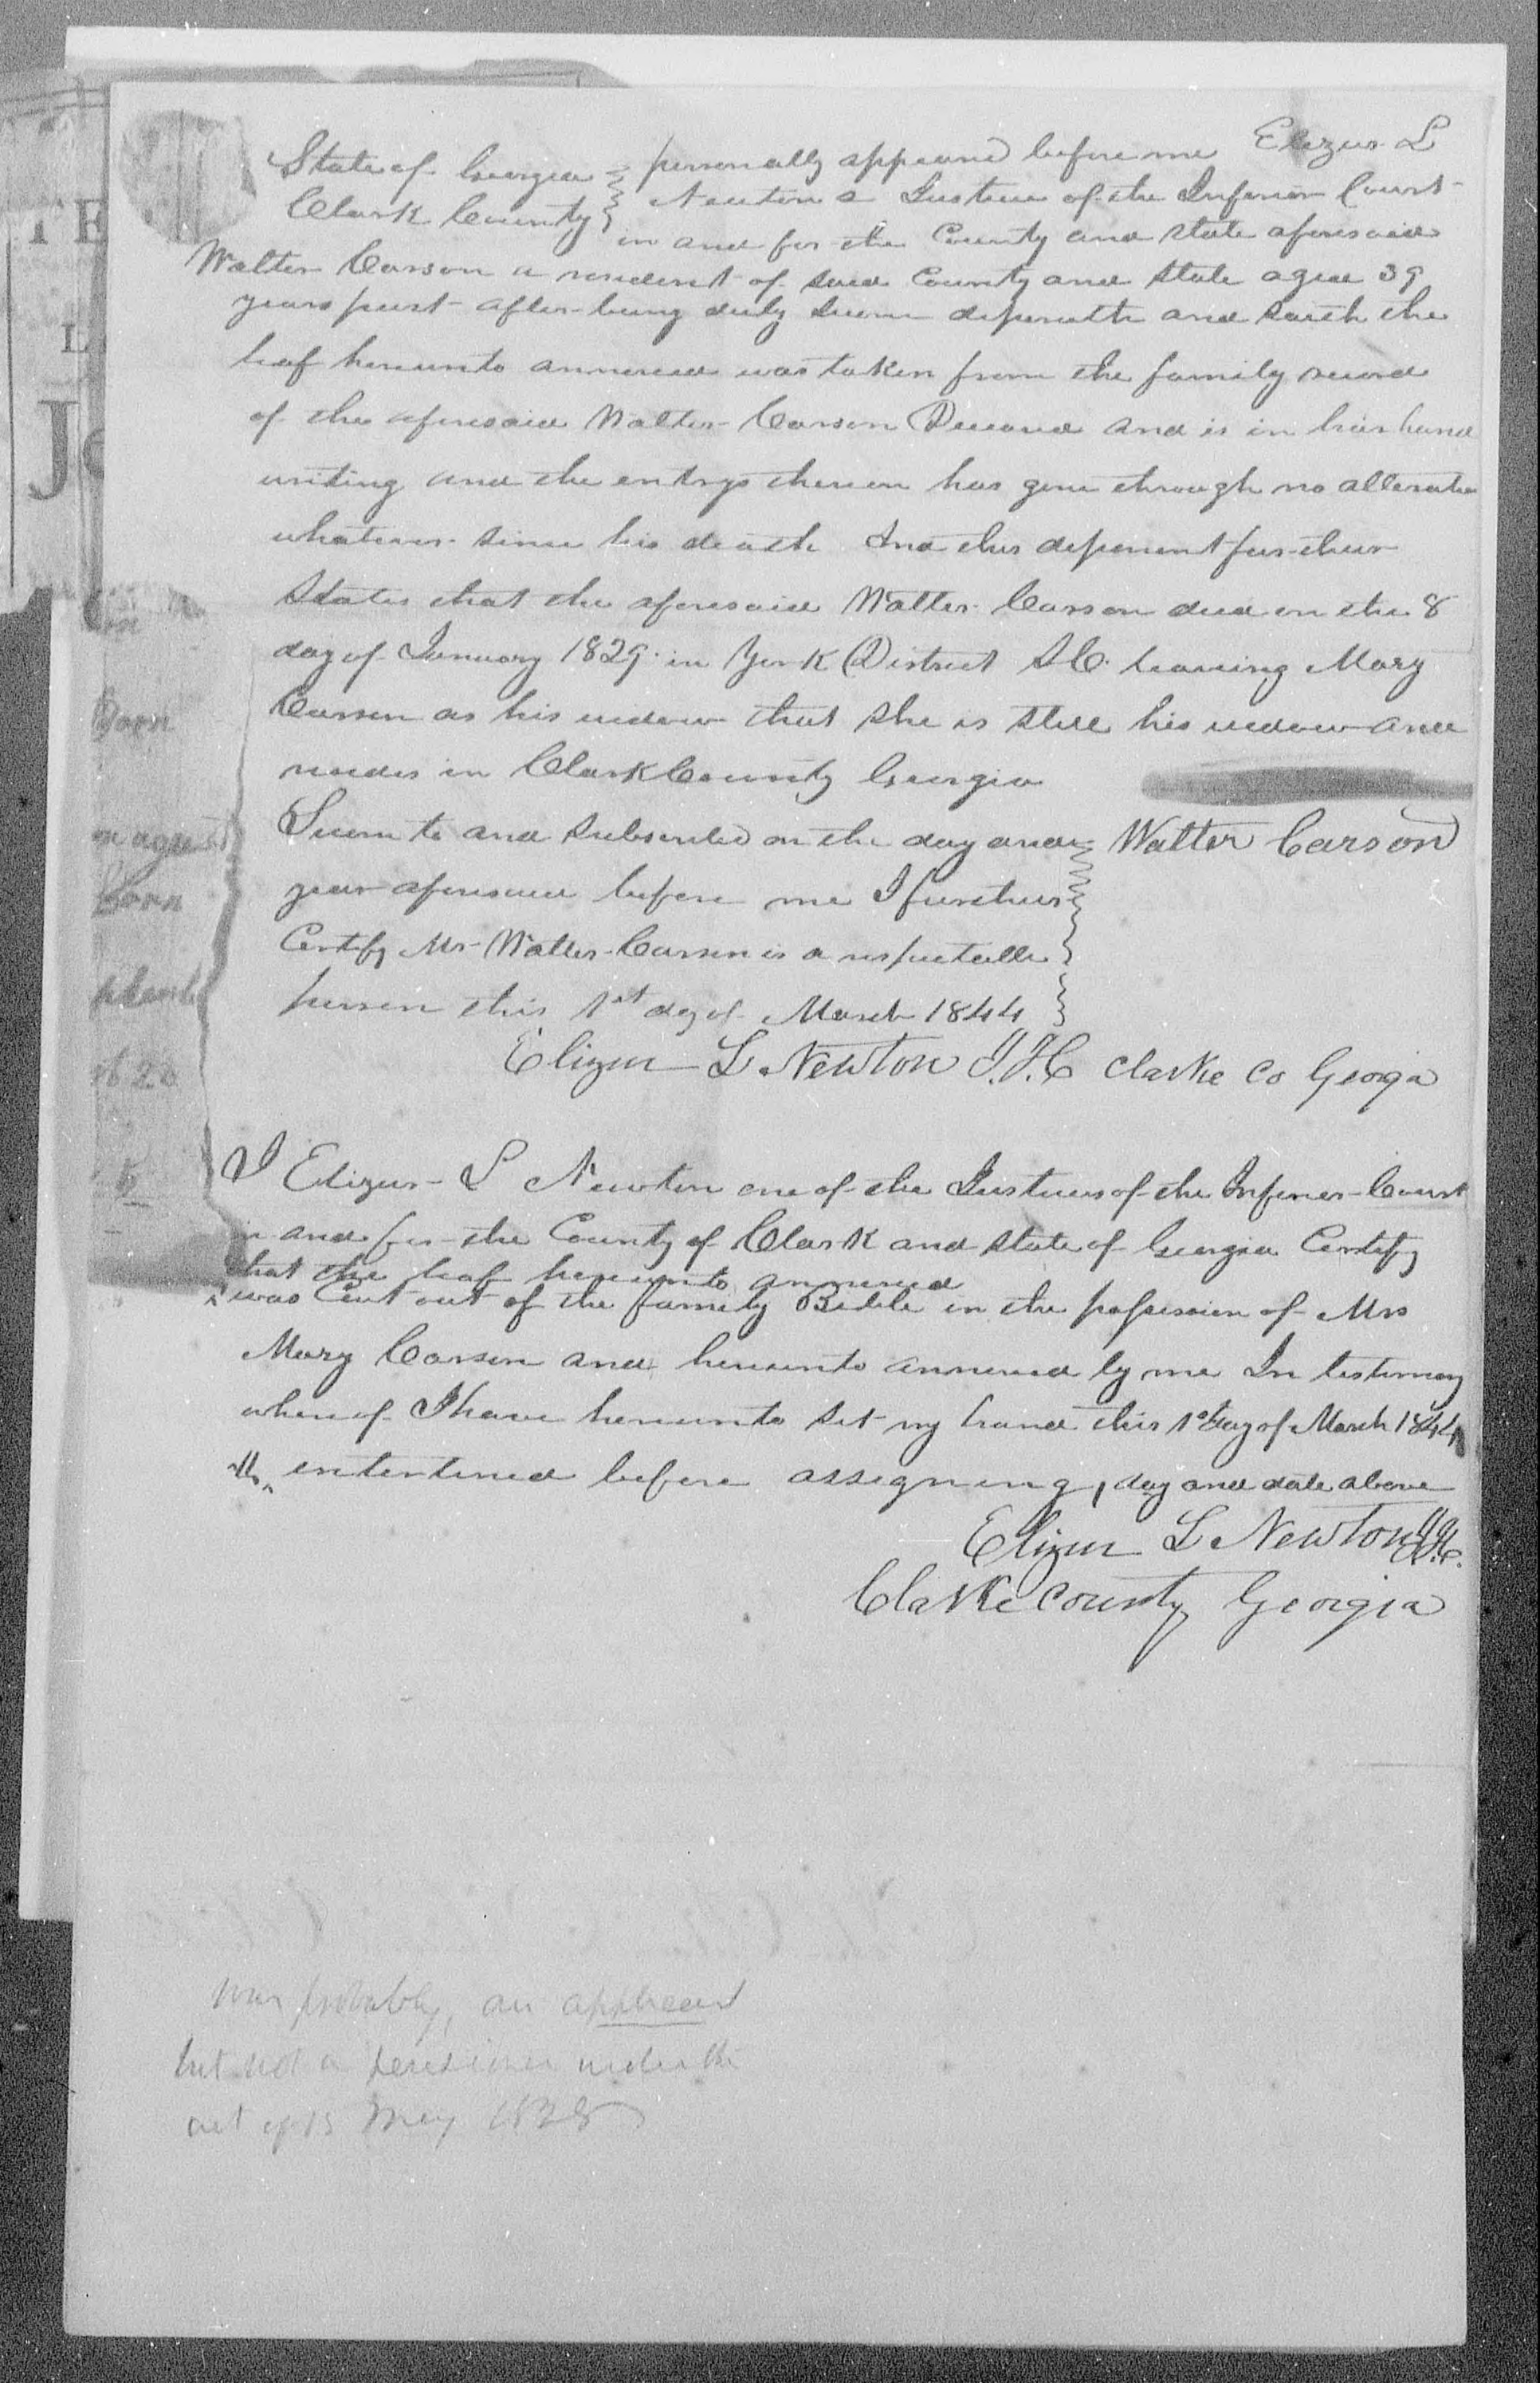State of Georgia
Clark County
Personally appeared before me Elizur L. Newton a justice of the Inferior Court in and for the county and state aforesaid Walter Carson a resident of Said County and State aged 39 years past after being duly sworn deposeth and saith the leaf hereunto annexed was taken from the family record of the aforesaid Walter Carson Deceased and is in his handwriting and the entry therein has gone through no alteration whatever since his death.  And this deponent further states that the aforesaid Walter Carson died on the 8 day of January 1829 in York District SC leaving Mary Carson as his widow that she is still his widow and resides in Clark County Georgia
Walter Carson
Sworn to and subscribed on the day and year aforesaid before me.  I further certify Mr. Walter Carson is a respectable person this 1st day of March 1844.                                                                                    Elizur L. Newton  J.I.C.  Clark Co Georgia

I Elizur L. Newton one of the Justices of the Inferior Court in and for the County of Clark and state of Georgia certify that the leaf hereunto annexed was cut out of the family Bible in the possession of Mrs Mary Carson and hereunto annexed by me in testimony whereof I have hereunto set my hand this 1st day of March 1844 the interlined before assigning day and date above. 
Elizur L. Newton  J.I.C. Clarke County, Georgia

[faint handwriting at bottom]
was probably an applicant but not a pensioner under the act of 15 May 1828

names: Walter Carson, Elizur L Newton, Walter Carson, Walter Carson, Mary Carson, Elizur L Newton, Elizur L Newton, Walter Carson, Mary Carson, Elizur L Newton, Walter Carson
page: 4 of 34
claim: rejected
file: R. 1,738, Walter Carson, N.C. S.C.